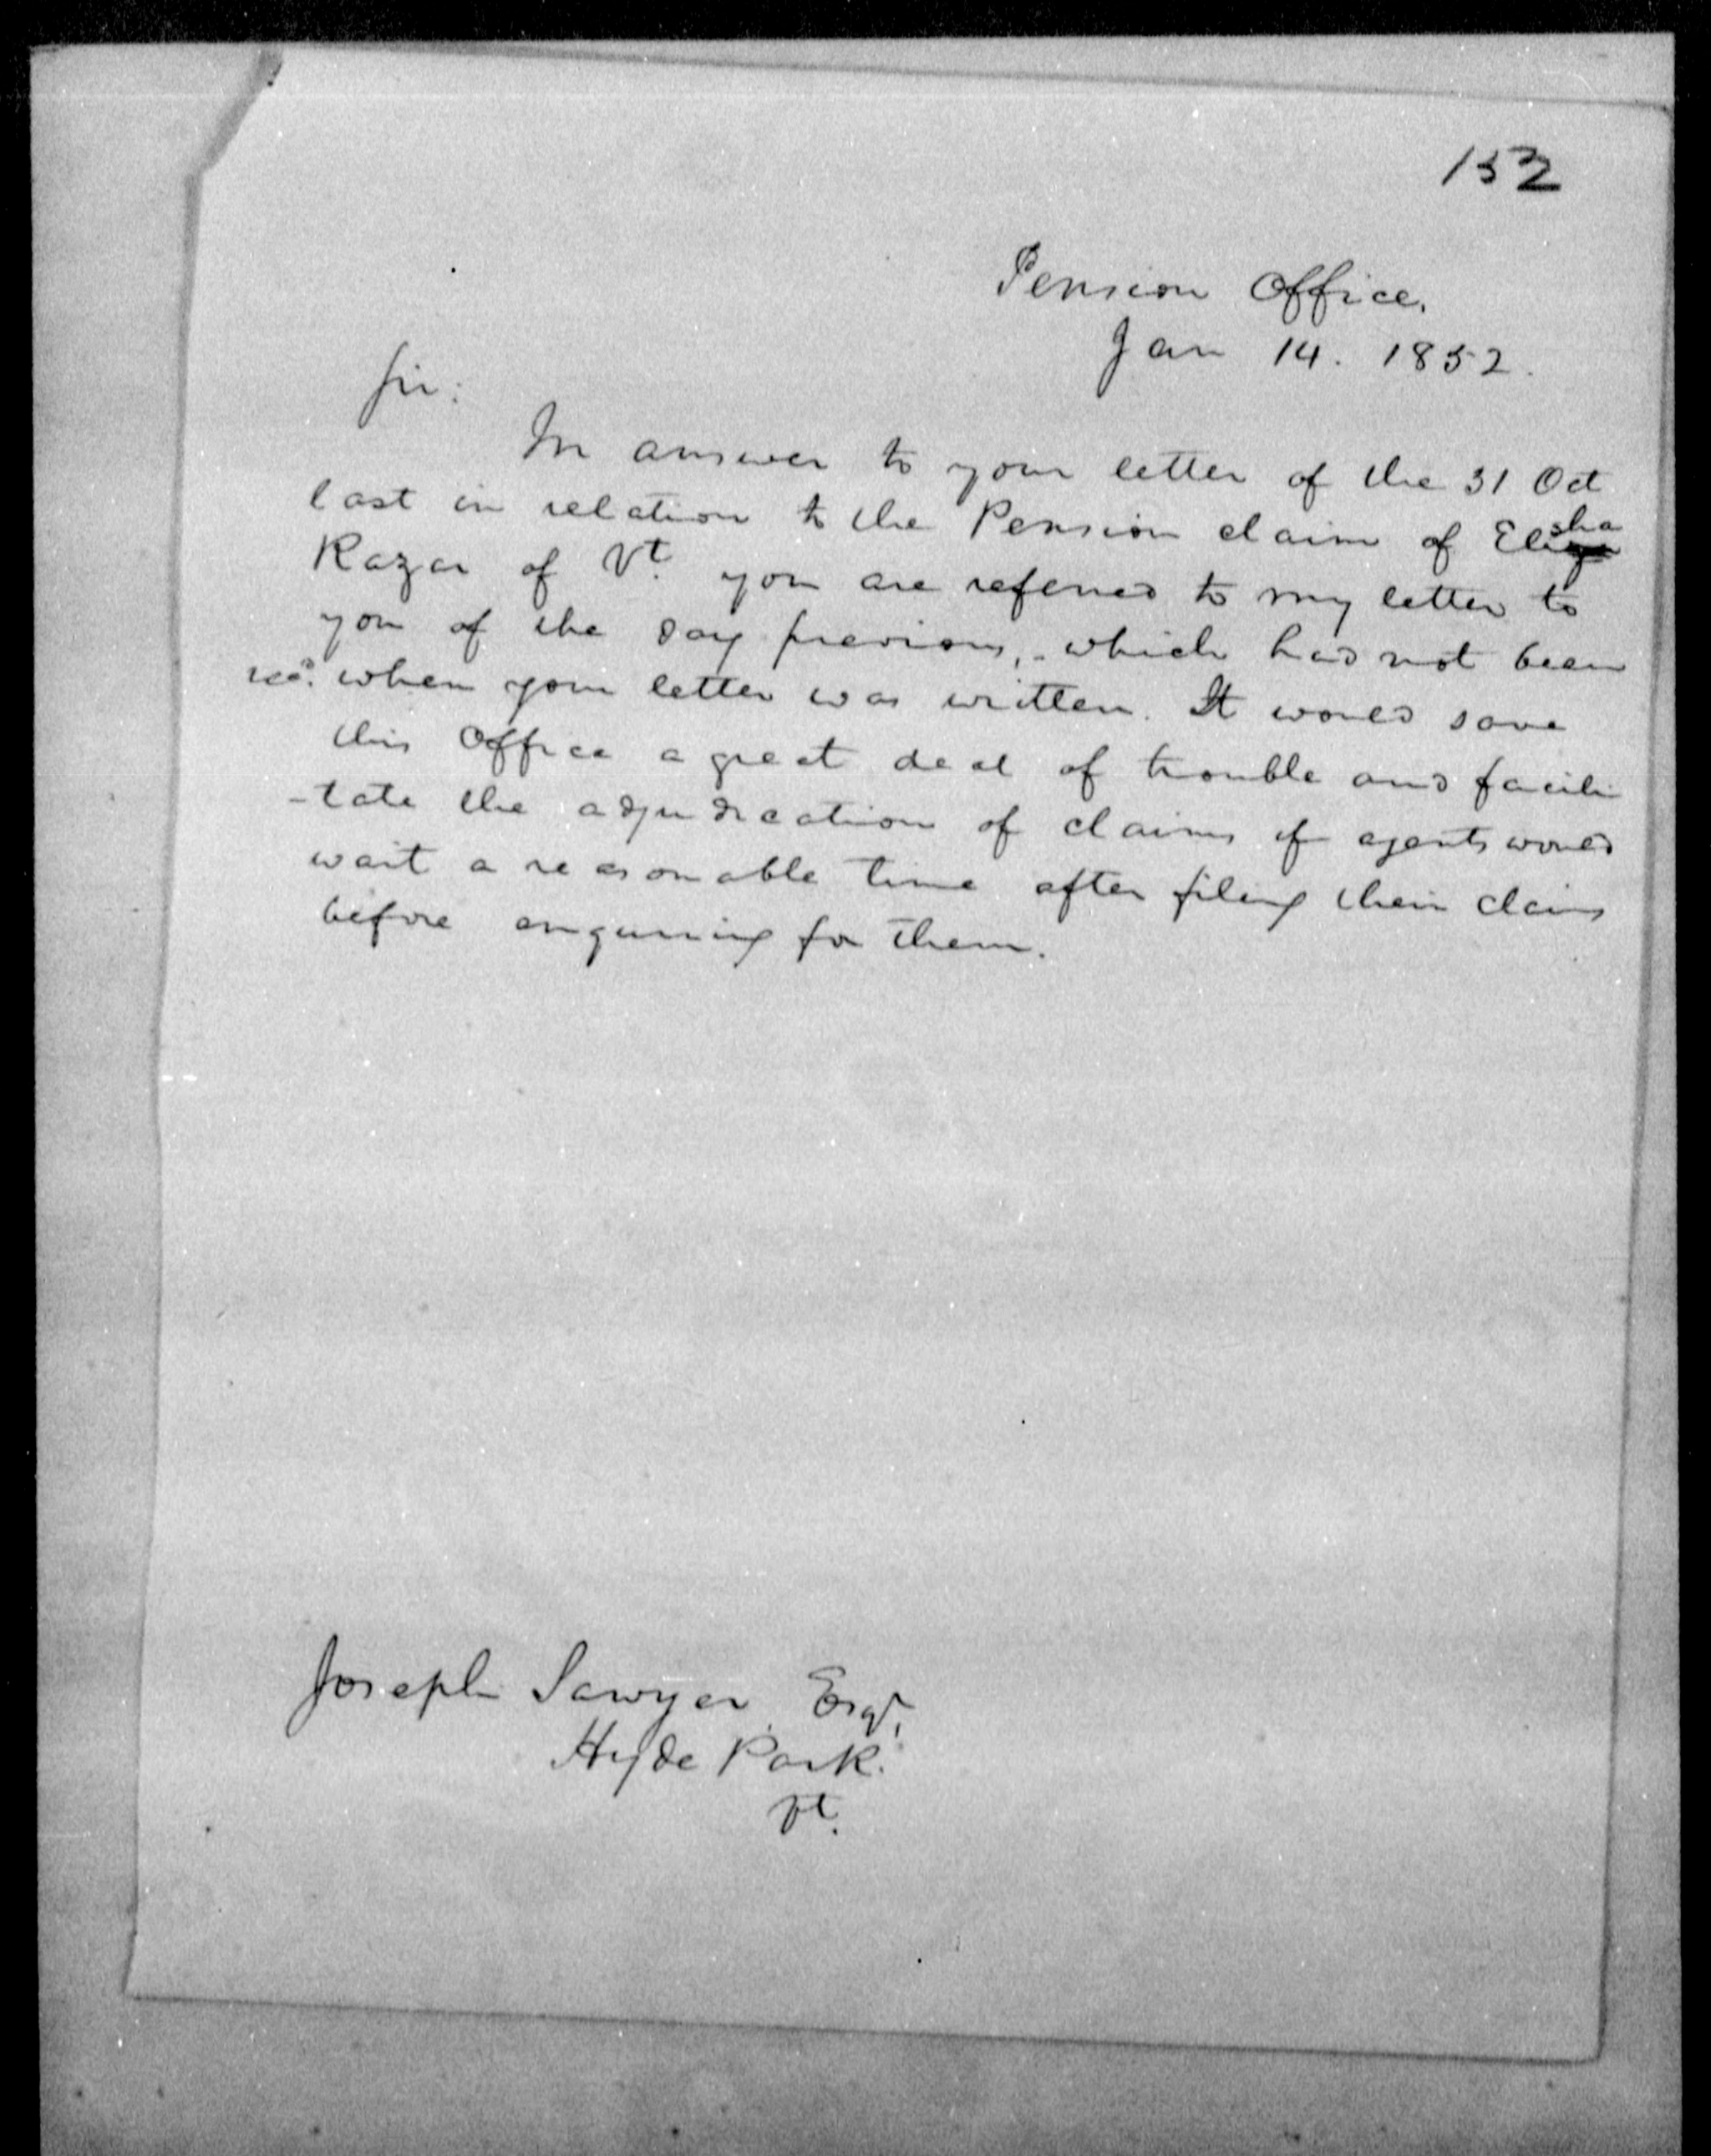152
Pension Office
Jan 14. 1852
Sir,
In answer to your letter of the 31 Oct
last in relation to the Pension claim of Eliha
Razar of Vt you are referred to my letter to
you of the day previous, which has not been
recd when your letter was written. It would save
this office a great deal of trouble and facilitate
the adjudication of claims if agents would
wait a reasonable time after filing their claims
before enquiring for them

Joseph Sawyer Esq.
Hyde Park
Vt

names: Elisha Razar; Joseph Sawyer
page: 23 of 30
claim: rejected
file: R. 8625, for Elisha Razar, Connecticut